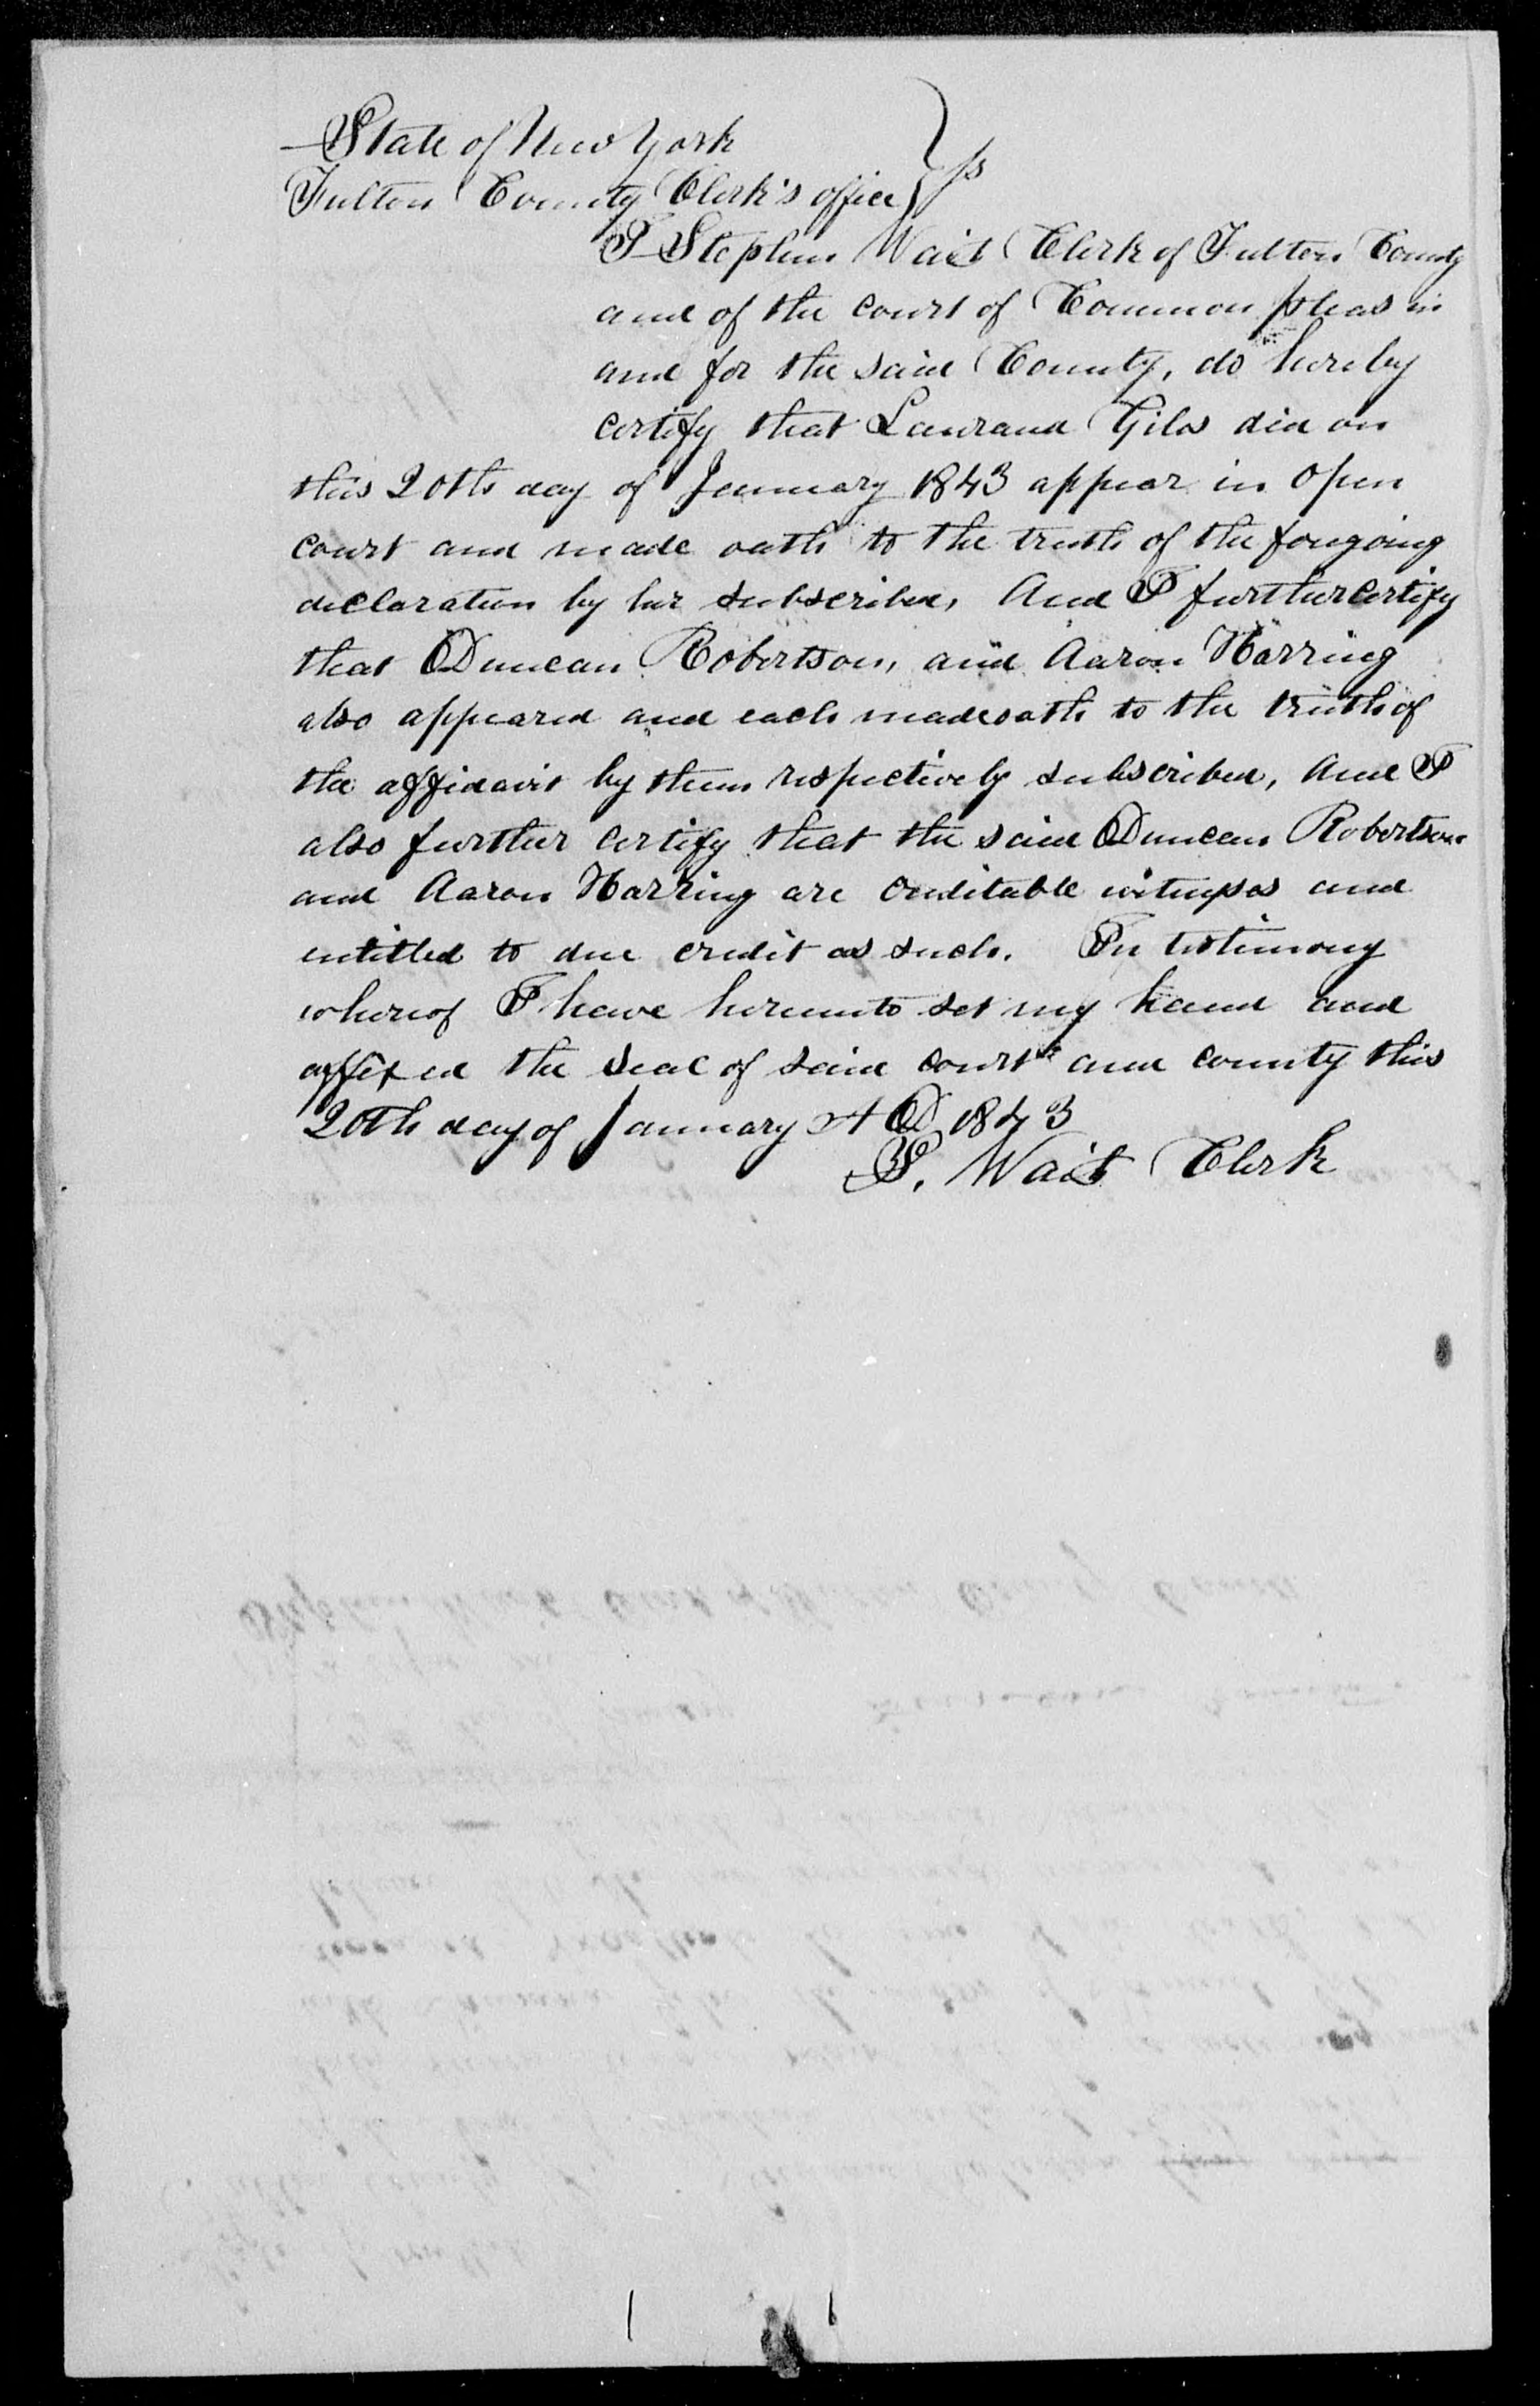State of New York
Fulton County Clerk's Office
Right bracket with abbreviation SS.
[SS is an abbreviation for the Latin word scilicet. This is a legal format used by clerks and notary publics to specify the location of the court.]

I Stephen Wait Clerk of Fulton County and of the court of Common Pleas in and for said County, do hereby certify that Laurana Giles did on this 20th day of January 
1843 appear in open court court and made oath to the truth of the foregoing declaration by her subscriber. And I further certify that Duncan Robertson, and Aaron Harring
also appeared and each made oath to the truth of
the affidavit by them respectively described. And I
also further certify that the said Duncan Robertson and Aaron Harring are creditable witnesses and entitled to due credit as such. [Illegible, perhaps: Pertaining] whereof I have hereunto set my hand and affixed the seal of said court and county this 20th day of January [illegible 2 letters] 1843.
S. [Stephen] Wait Clerk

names: Duncan Robertson, Stephen Wait, Duncan Robertson, Laurana Giles, S Wait, Aaron Harring, Aaron Harring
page: 14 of 55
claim: widow's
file: W. 19503, Samuel Giles, Conti. Mass. New York